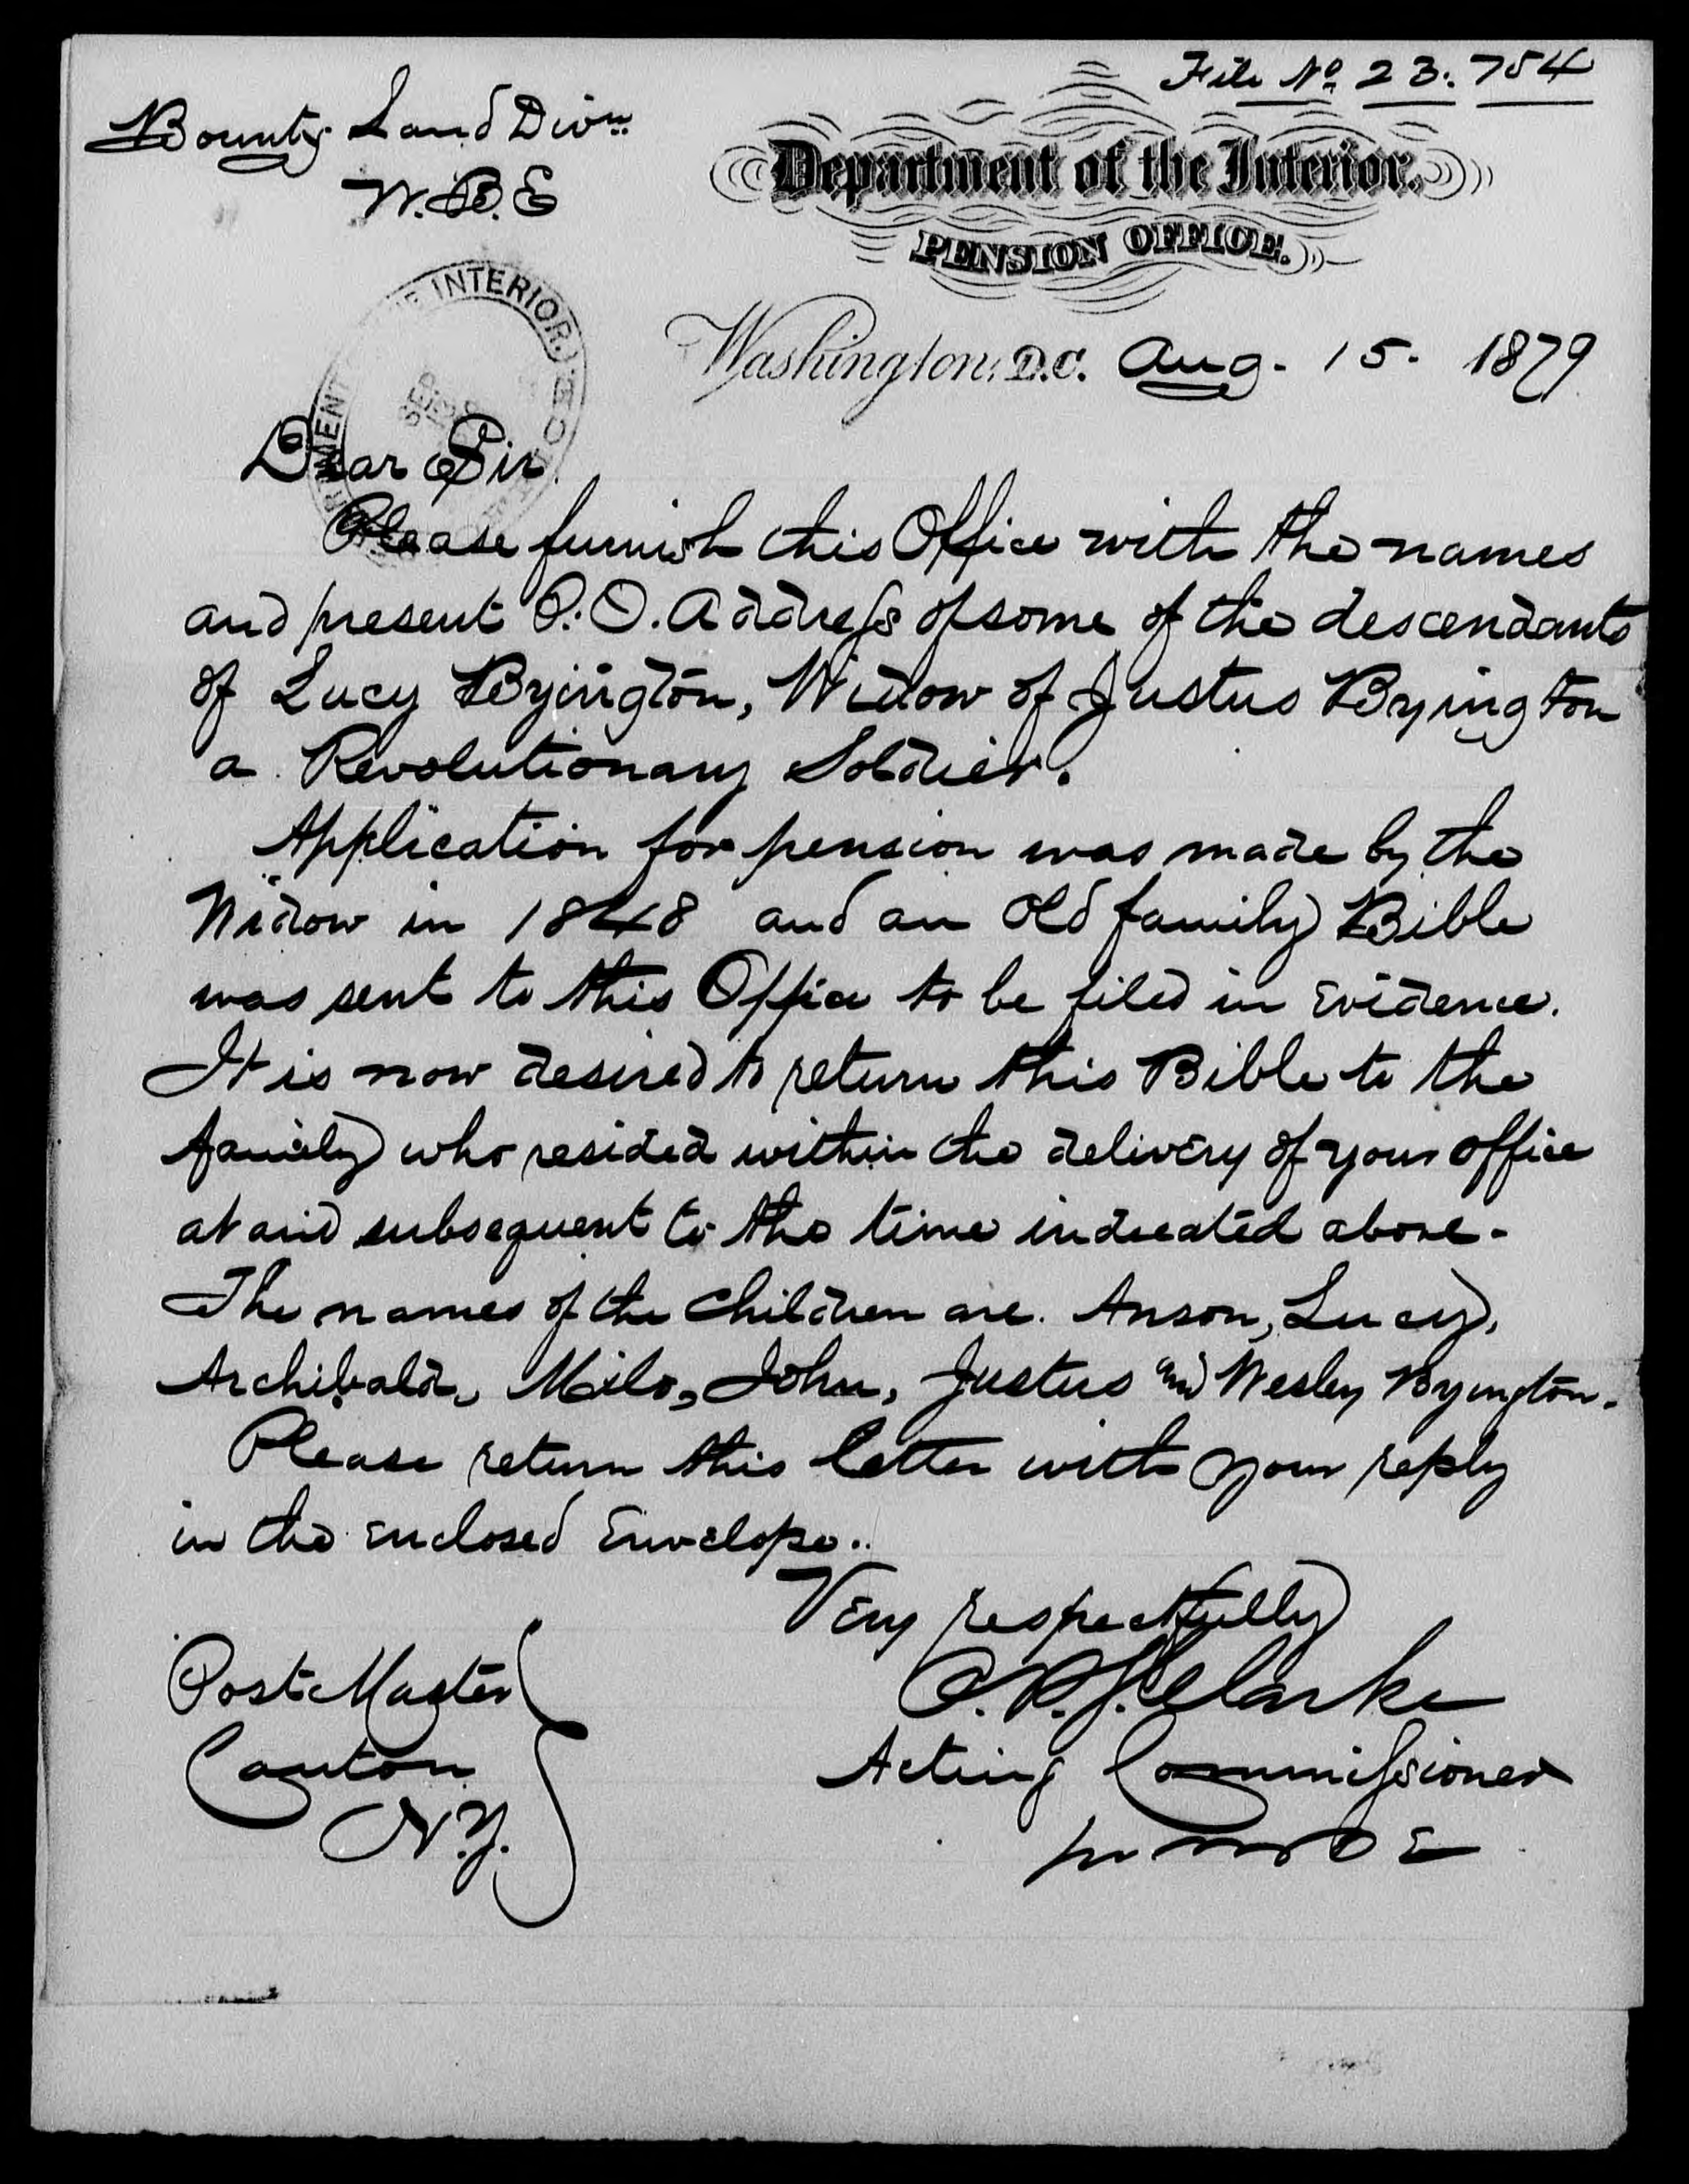File No. 23 754
Bounty Land Div
W.B.E
DEPARTMENT OF THE INTERIOR
PENSION OFFICE

Washington D.C Aug. 15, 1879

Dear SIr
PLease furnish this Office with the names and present P.O. Address of some of the descendants of Lucy Byington, widow of Justus Byington a Revolutionary Soldier.
Application for pension was made by the widow in 1848 and an old family Bible was sent to this Office to be filed in evidence. It is now desired to return this Bible to the family who resided within the delivery of your office aforesaid subsequent to the time indicated above. THe names of the children are Anson, Lucy, Archibald, Milo, John, Justus, and Wesley Byington. Please return this letter with your reply in the enclosed envelope.

Very respectfully
O.P.S Clarke
Acting Commissioner
(illegible)

Post Master}
Canton}
N.Y.}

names: John Byington, Anson Byington, Justus Byington, O P S Clarke, Lucy Byington, Justus Byington, Archibald Byington, Lucy Byington, Milo Byington, Wesley Byington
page: 32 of 79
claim: widow's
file: W. 23754, Justus Byington, Conn.